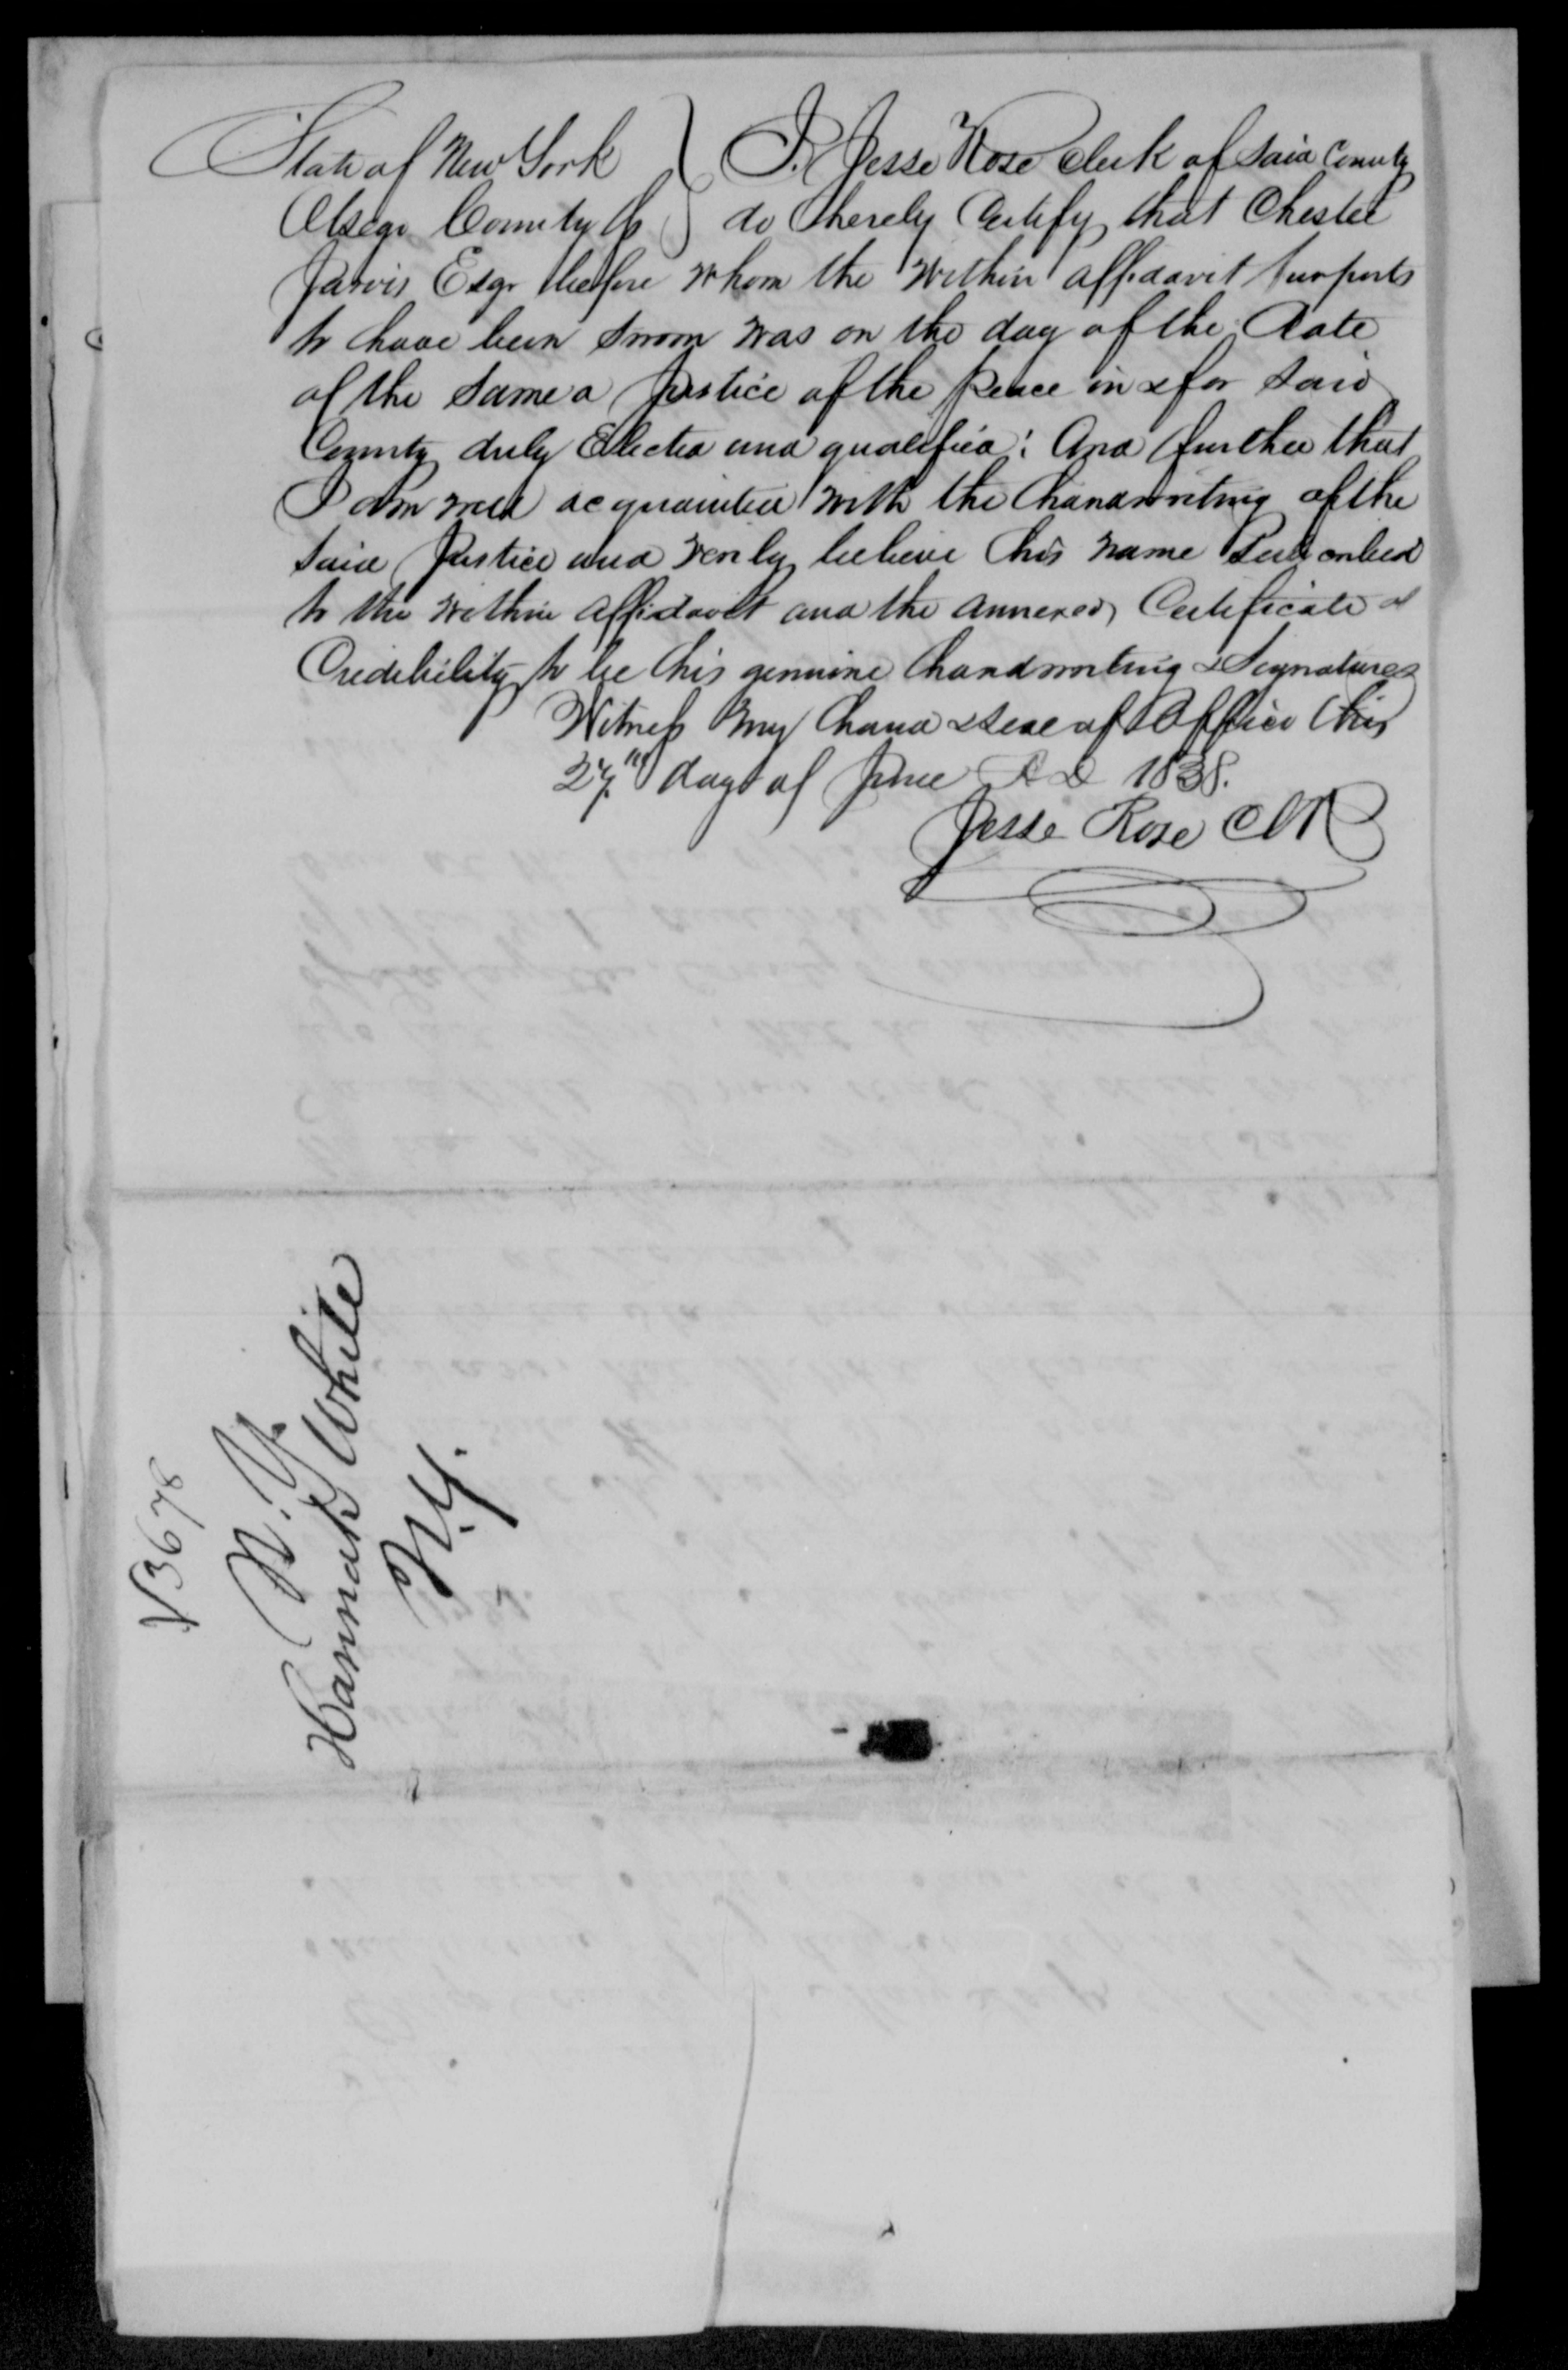V3678 N.Y. Hannah White N.Y.

State of New York}
Otsego County Js}

I Jesse Rose clerk of said county do hereby certify that Chester Jarvis Esqr before whom the within affidavit purports to have been sworn was on the day of the date of the same Justice of the Peace in & for said County duly Elected and qualified; And further that I am well acquainted with handwriting of the Said Justice and verily believe his name subscribed to the within affidavit and the annexed Certificate of Credibility to be his genuine handwriting & Signature

Witness my hand & seal of Office this 27th day of June AD 1838.

Jesse Rose Clerk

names: Jesse Rose, Hannah White, Chester Jarvis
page: 17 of 63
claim: widow's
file: W. 18403, David White, Conn.